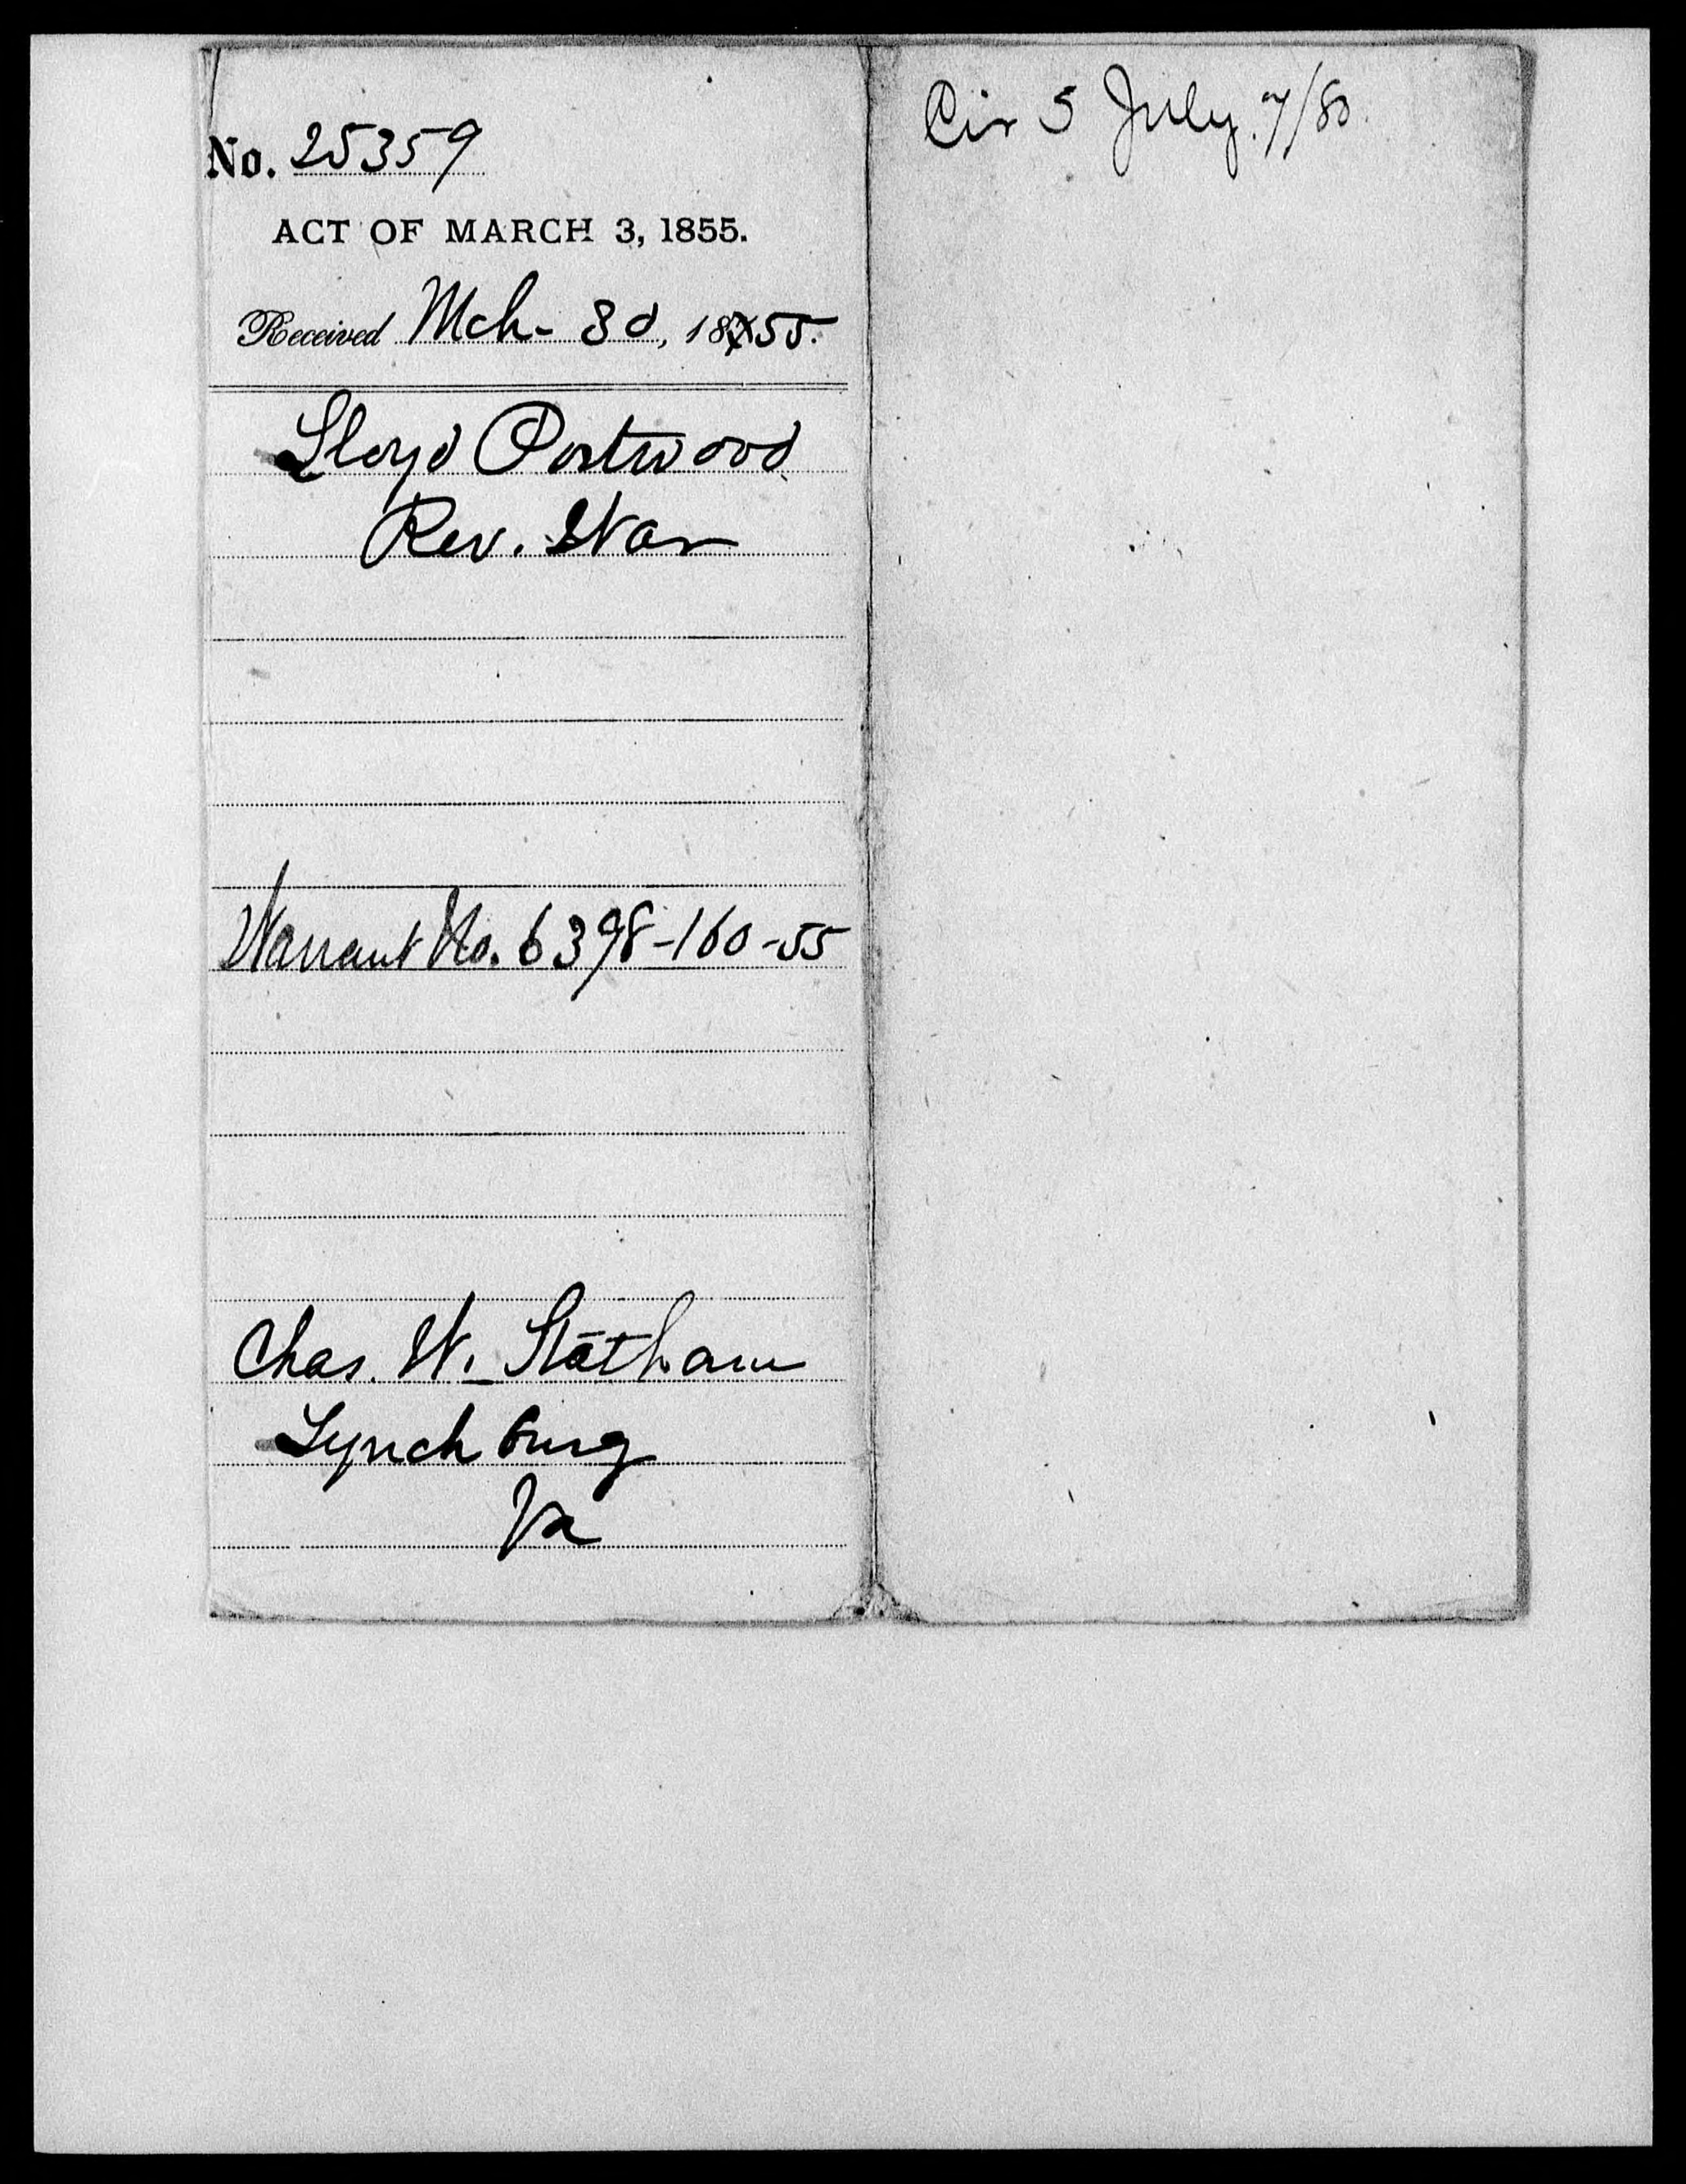[Left side of form]
No. 25359
ACT OF MARCH 3, 1855.
Received Mch. 30, 1855.
Lloyd Portwood
Rev. War
Warrant No. 6398-160-55
Chas. W. Statham
Lynchburg
Va
[Right side of form]
Cir 5 July 7/80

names: Lloyd Portwood; Chas W Statham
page: 16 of 50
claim: widow's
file: W. 1929, for Lloyd Portwood, Virginia